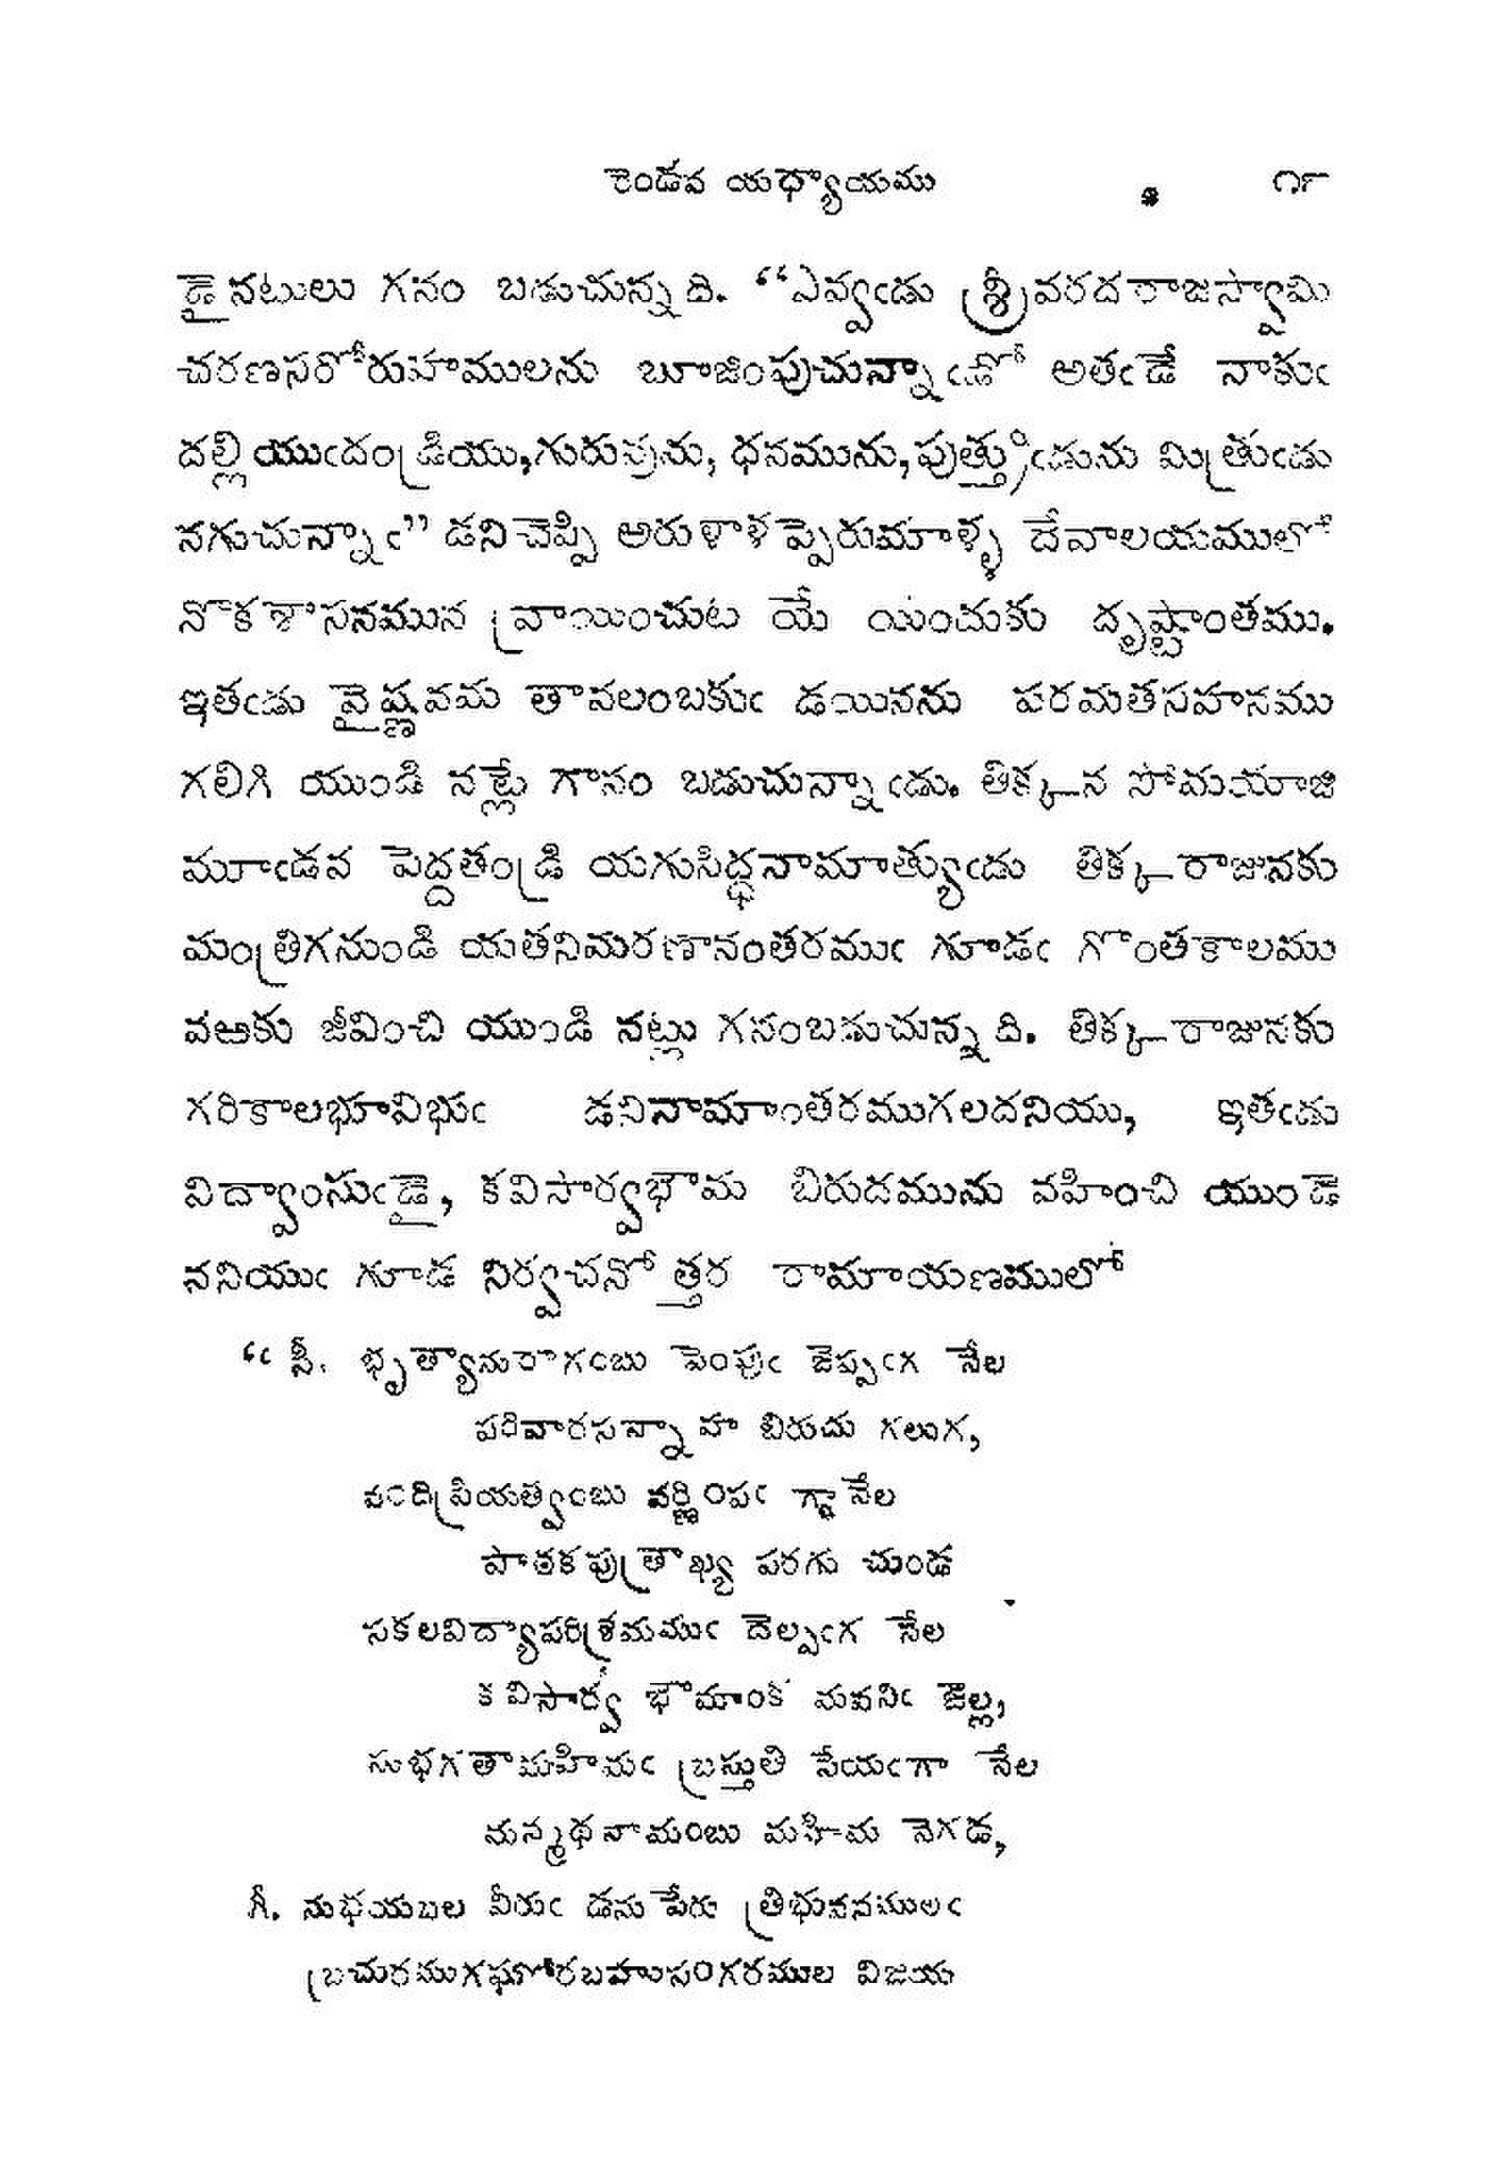డైనటులు గనం బడుచున్నది. "ఎవ్వఁడు శ్రీవరదరాజస్వామి చరణసరోరుహములను బూజింపుచున్నాఁడో అతఁడే నాకుఁ దల్లియుఁదండ్రియు, గురువును, ధనమును, పుత్త్రుఁడును మిత్రుఁడు నగుచున్నాఁ" డనిచెప్పి అరుళాళప్పెరుమాళ్ళ దేవాలయములో నొకశాసనమున వ్రాయించుట యే యిందుకు దృష్టాంతము. ఇతఁడు వైష్ణవమ తావలంబకుఁ డయినను పరమతసహనము గలిగి యుండి నట్లే గానం బడుచున్నాఁడు. తిక్కన సోమయాజి మూఁడవ పెద్దతండ్రి యగుసిద్ధనామాత్యుడు. తిక్క రాజునకు మంత్రిగనుండి యతనిమరణానంతరముఁ గూడఁ గొంతకాలము వఱకు జీవించి యుండి నట్లు గనంబడుచున్నది. తిక్క రాజునకు గరికాలభూవిభుఁ డనినామాంతరముగలదనియు, ఇతఁడు విద్వాంసుఁడై , కవిసార్వభౌమ బిరుదమును వహించి యుండె ననియుఁ గూడ నిర్వచనోత్తర రామాయణములో 

"సీ. భృత్యానురాగంబు పెంపుఁ జెప్పఁగ నేల
 పరివారసన్నాహ బిరుదు గలుగ, 
 వందిప్రియత్వంబు వర్ణింపఁ గానేల
 పాఠకపుత్రాఖ్య పరగు చుండ 
 సకలవిద్యాపరిశ్రమముఁ దెల్పఁగ నేల
 కవిసార్వ భౌమాంక మవనిఁ జెల్ల, 
 సుభగతామహిమఁ బ్రస్తుతి సేయఁగా నేల
 మన్మథనామంబు మహిమ నెగడ, 

గీ. నుభయబల వీరుఁ డను పేరు త్రిభువనములఁ
 బ్రచురముగఘోరబహుసంగరముల విజయ